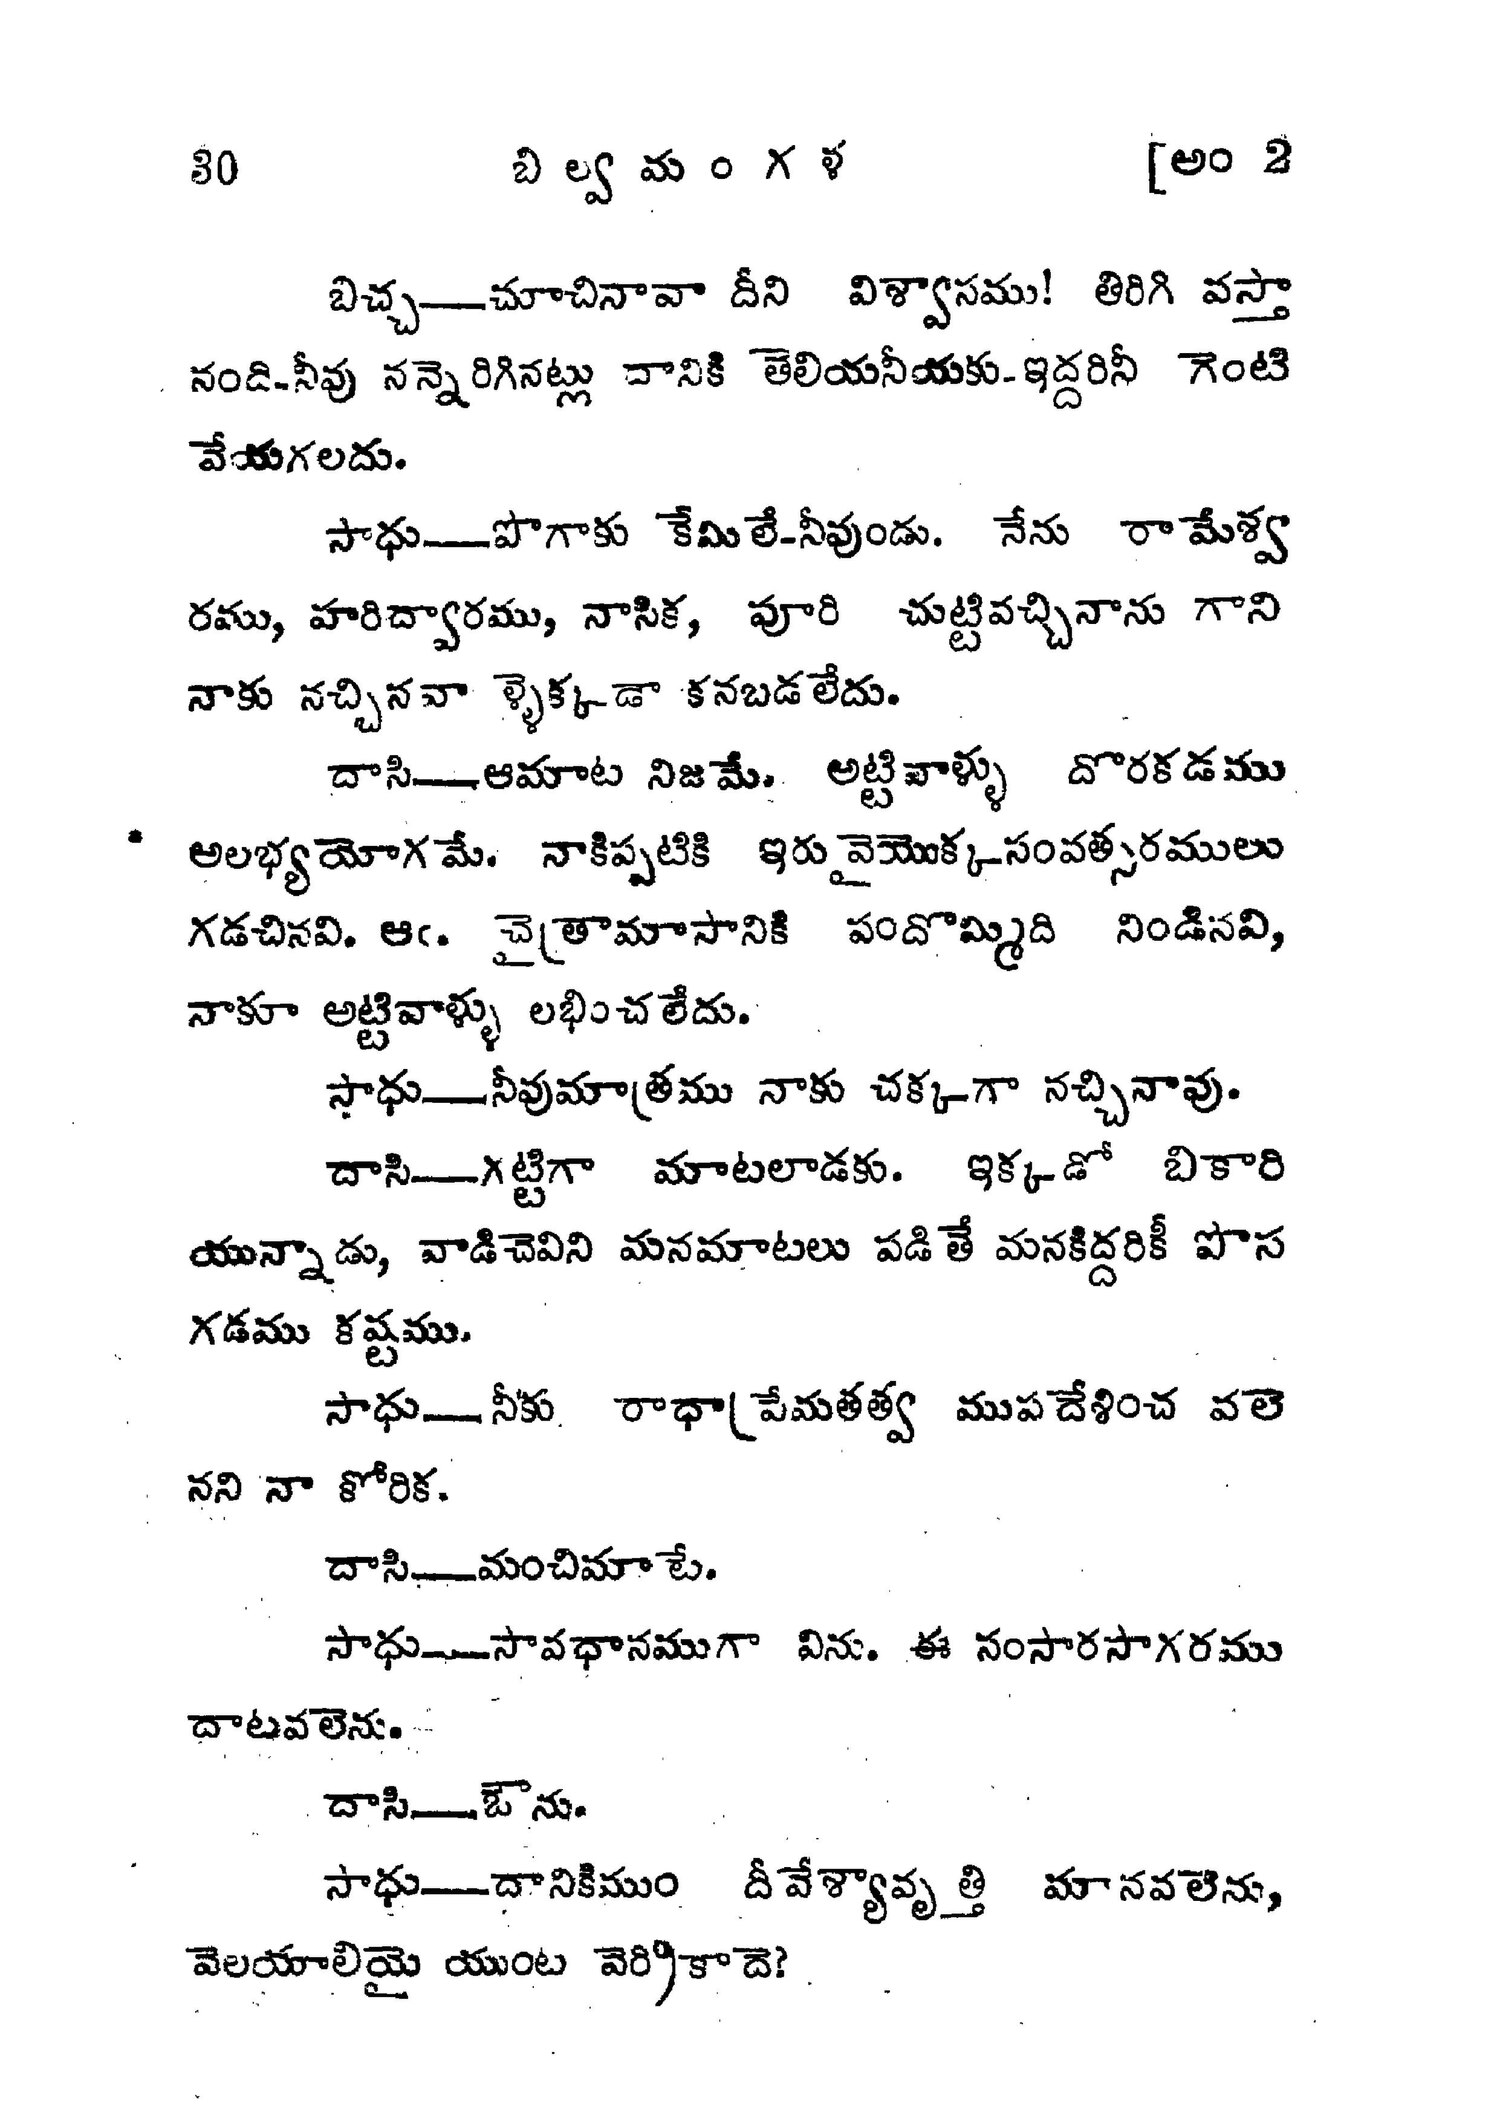బిచ్చ - చూచినావా దీని విశ్వాసము! తిరిగి వస్తానంది - నీవు నన్నెరిగినట్లు దానికి తెలియనీయకు-ఇద్దరినీ గెంటి వేయగలదు.

సాధు - పొగాకు కేమిలే-నీవుండు. నేను రామేశ్వరము, హరిద్వారము, నాసిక, పూరి చుట్టివచ్చినాను గాని నాకు నచ్చినవా ళ్ళెక్కడా కనబడలేదు.

దాసి - ఆమాట నిజమే. అట్టివాళ్ళు దొరకడము అలభ్యయోగమే. నాకిప్పటికి ఇరువైయొక్కసంవత్సరములు గడచినవి. ఆఁ చైత్రామాసానికి పందొమ్మిది నిండినవి, నాకూ అట్టివాళ్ళు లభించలేదు.

సాధు - నీవుమాత్రము నాకు చక్కగా నచ్చినావు.

దాసి - గట్టిగా మాటలాడకు. ఇక్కడో బికారి యున్నాడు, వాడిచెవిని మనమాటలు పడితే మనకిద్దరికీ పొసగడము కష్టము.

సాధు - నీకు రాధాప్రేమతత్వ ముపదేశించ వలె నని నా కోరిక.

దాసి - మంచిమాటే.

సాధు - సావధానముగా విను. ఈ సంసారసాగరము దాటవలెను.

దాసి - ఔను.

సాధు - దానికిముం దీవేశ్యావృత్తి మానవలెను, వెలయాలియై యుంట వెర్రికాదె?